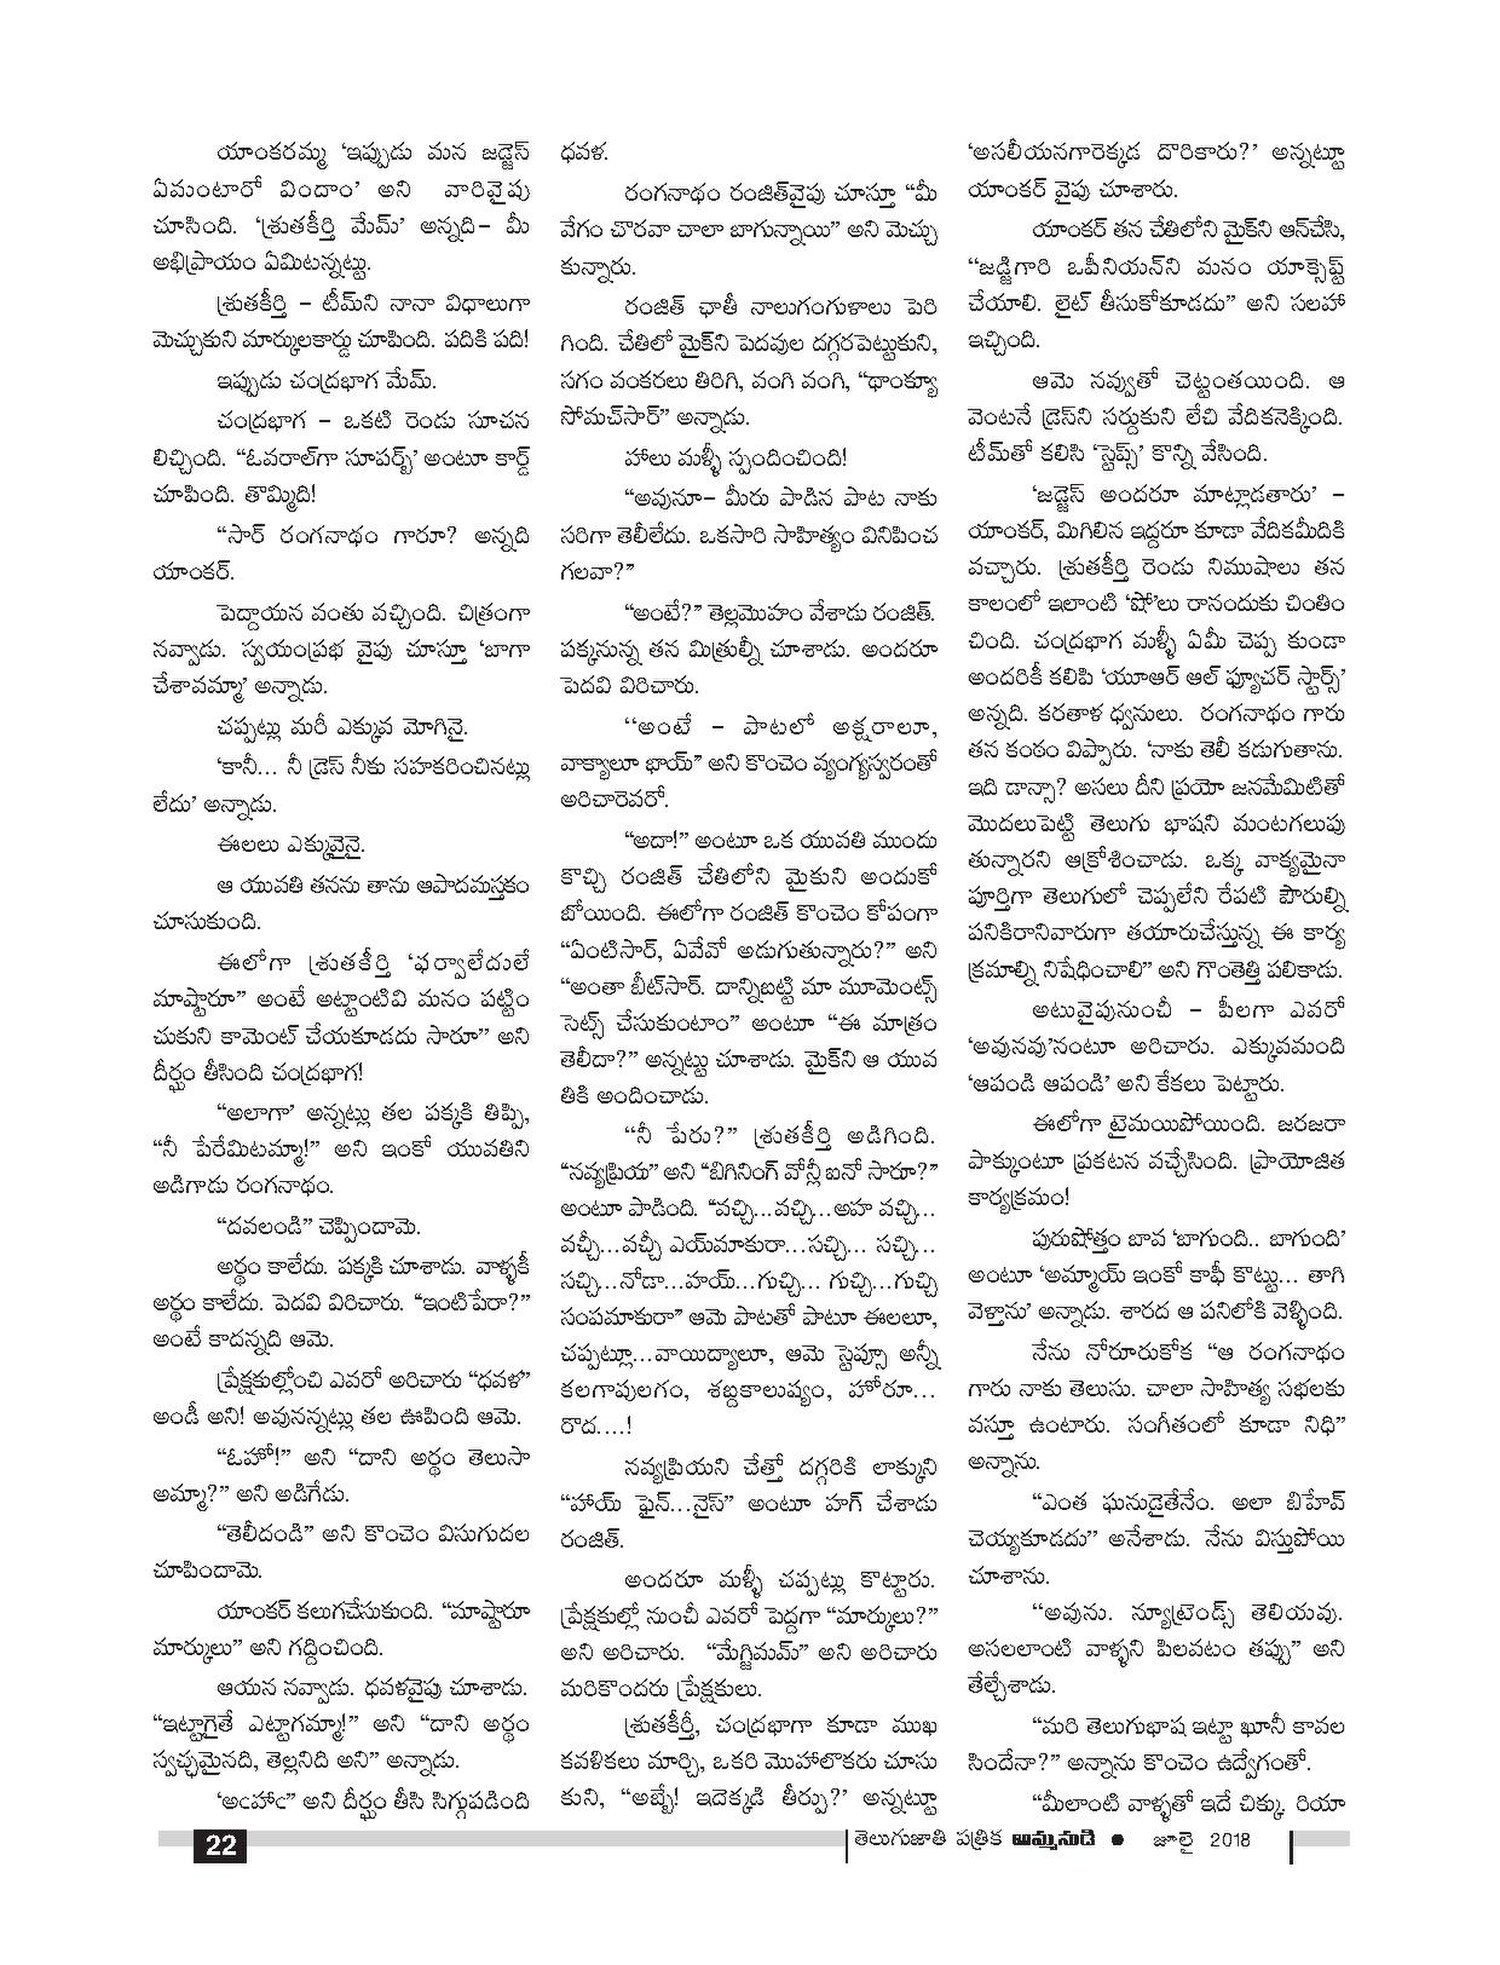యాంకరమ్మ 'ఇప్పుడు మన జడ్జెస్‌ ఏమంటారో విందాం' అని వారివైపు చూసింది. 'శ్రుతకీర్తి మేమ్‌' అన్నది - మీ అభిప్రాయం ఏమిటన్నట్టు.

శ్రుతకీర్తి - టీమ్‌ని నానా విధాలుగా మెచ్చుకుని మార్కులకార్డు చూపింది. పదికి పది!

ఇప్పుడు చంద్రభాగ మేమ్‌.

చంద్రభాగ - ఒకటి రెండు సూచన లిచ్చింది. 'ఓవరాల్‌గా సూపర్బ్‌' అంటూ కార్డ్‌ చూపింది. తొమ్మిది!

“సార్‌ రంగనాథం గారూ? అన్నది యాంకర్‌.

పెద్దాయన వంతు వచ్చింది. చిత్రంగా నవ్వాడు. స్వయంప్రభ వైపు చూస్తూ 'బాగా చేశావమ్మా' అన్నాడు.

చప్పట్లు మరీ ఎక్కువ మోగినై.

'కానీ... నీ డ్రెస్‌ నీకు సహకరించినట్లు లేదు' అన్నాడు.

ఈలలు ఎక్కువైనై.

ఆ యువతి తనను తాను ఆపాదమస్తకం చూసుకుంది.

ఈలోగా శ్రుతకీర్తి 'ఫర్వాలేదులే మాష్టారూ' అంటే అట్టాంటివి మనం పట్టించుకుని కామెంట్‌ చేయకూడదు సారూ” అని దీర్ఘం తీసింది చంద్రభాగ!

“అలాగా” అన్నట్లు తల పక్కకి తిప్పి, “నీ పేరేమిటమ్మా!” అని ఇంకో యువతిని అడిగాడు రంగనాథం.

“దవలండి” చెప్పిందామె.

అర్ధం కాలేదు. పక్కకి చూశాడు. వాళ్ళకీ అర్ధం కాలేదు. పెదవి విరిచారు. “ఇంటిపేరా?” అంటే కాదన్నది ఆమె.

ప్రేక్షకుల్లోంచి ఎవరో అరిచారు “ధవళ” అండీ అని! అవునన్నట్లు తల ఊపింది ఆమె.

“ఓహో!” అని “దాని అర్ధం తెలుసా అమ్మా?” అని అడిగేడు.

“తెలీదండి” అని కొంచెం విసుగుదల చూపిందామె.

యాంకర్‌ కలుగచేసుకుంది. “మాష్టారూ మార్కులు” అని గద్దించింది.

ఆయన నవ్వాడు. ధవళవైపు చూశాడు. “ఇట్టాగైతే ఎట్టాగమ్మా!” అని “దాని అర్ధం స్వచ్చమైనది, తెల్లనిది అని” అన్నాడు.

“అఁహాఁ" అని దీర్ఘం తీసి సిగ్గుపడింది. ధవళ

రంగనాథం రంజిత్‌వైపు చూస్తూ “మీ వేగం చొరవా చాలా బాగున్నాయి” అని మెచ్చు కున్నారు.

రంజిత్‌ ఛాతీ నాలుగంగుళాలు పెరిగింది. చేతిలో మైక్‌ని పెదవుల దగ్గరపెట్టుకుని, సగం వంకరలు తిరిగి, వంగి వంగి, “థాంక్యూ సోమచ్‌సార్‌” అన్నాడు.

హాలు మళ్ళీ స్పందించింది!

“అవునూ- మీరు పాడిన పాట నాకు సరిగా తెలీలేదు. ఒకసారి సాహిత్యం వినిపించగలవా?”

“అంటే?” తెల్లమొహం వేశాడు రంజిత్‌. పక్కనున్న తన మిత్రుల్నీ చూశాడు. అందరూ పెదవి విరిచారు.

“అంటే - పాటలో అక్షరాలూ, వాక్యాలూ భాయ్‌” అని కొంచెం వ్యంగ్యస్వరంతో అరిచారెవరో.

“అదా!” అంటూ ఒక యువతి ముందు కొచ్చి రంజిత్‌ చేతిలోని మైకుని అందుకోబోయింది. ఈలోగా రంజిత్‌ కొంచెం కోపంగా “ఏంటిసార్‌, ఏవేవో అడుగుతున్నారు?” అని “అంతా బీట్‌సార్‌. దాన్నిబట్టి మా మూమెంట్స్‌ సెట్స్‌ చేసుకుంటాం” అంటూ “ఈ మాత్రం తెలీదా?” అన్నట్టు చూశాడు. మైక్‌ని ఆ యువతికి అందించాడు.

“నీ పేరు?” శ్రుతకీర్తి అడిగింది. “నవ్యప్రియ" అని “బిగినింగ్‌ వోన్లీ ఐనో సారూ?” అంటూ పాడింది. “వచ్చి...వచ్చి...అహ వచ్చి...వచ్చీ...వచ్చీ ఎయ్‌మాకురా...సచ్చి... సచ్చి...సచ్చి...నోడా...హయ్‌...గుచ్చి... గచ్చి...గుచ్చి సంపమాకురా” ఆమె పాటతో పాటూ ఈలలూ, చప్పట్లూ...వాయిద్యాలూ, ఆమె స్టెప్సూ అన్నీ కలగాపులగం, శబ్దకాలుష్యం, హోరూ...రొద....!

నవ్యప్రియని చేత్తో దగ్గరికి లాక్కుని “హాయ్‌ ఫైన్‌...నైస్‌” అంటూ హగ్‌ చేశాడు రంజిత్‌.

అందరూ మళ్ళీ చప్పట్లు కొట్టారు. ప్రేక్షకుల్లో నుంచీ ఎవరో పెద్దగా “మార్కులు?” అని అరిచారు. “మేగ్జిమమ్‌” అని అరిచారు మరికొందరు ప్రేక్షకులు.

శ్రుతకీర్తీ, చంద్రభాగా కూడా ముఖ కవళికలు మార్చి, ఒకరి మొహాలొకరు చూసుకుని, “అబ్బే! ఇదెక్కడి తీర్పు?” అన్నట్టూ “అసలీయనగారెక్కడ దొరికారు?” అన్నట్టూ యాంకర్‌ వైపు చూశారు.

యాంకర్‌ తన చేతిలోని మైక్‌ని ఆన్‌చేసి, “జడ్జిగారి ఒపీనియన్‌ని మనం యాక్సెప్ట్ చేయాలి. లైట్‌ తీసుకోకూడదు” అని సలహా ఇచ్చింది.

ఆమె నవ్వుతో చెట్టంతయింది. ఆ వెంటనే డ్రెస్‌ని సర్దుకుని లేచి వేదికనెక్కింది. టీమ్‌తో కలిసి 'స్టెప్స్‌' కొన్ని వేసింది.

'జడ్జెస్‌ అందరూ మాట్లాడతారు” - యాంకర్‌, మిగిలిన ఇద్దరూ కూడా వేదికమీదికి వచ్చారు. శ్రుతకీర్తి రెండు నిముషాలు తన కాలంలో ఇలాంటి “షోలు రానందుకు చింతించింది. చంద్రభాగ మళ్ళీ ఏమీ చెప్ప కుండా అందరికీ కలిపి 'యూఆర్‌ ఆల్‌ ఫ్యూచర్‌ స్టార్స్‌” అన్నది. కరతాళ ధ్వనులు. రంగనాథం గారు తన కంఠం విప్పారు. 'నాకు తెలీ కడుగుతాను. ఇది డాన్సా? అసలు దీని ప్రయో జనమేమిటితో మొదలుపెట్టి తెలుగు భాషని మంటగలుపుతున్నారని ఆక్రోశించాడు. ఒక్క వాక్యమైనా పూర్తిగా తెలుగులో చెవ్పలేని రేపటి పౌరుల్ని పనికిరానివారుగా తయారుచేస్తున్న ఈ కార్యక్రమాల్ని నిషేధించాలి” అని గొంతెత్తి పలికాడు.

అటువైవునుంచీ - పీలగా ఎవరో 'అవునవు'నంటూ అరిచారు. ఎక్కువమంది 'ఆపండి ఆపండి' అని కేకలు పెట్టారు.

ఈలోగా టైమయిపోయింది. జరజరా పాక్కుంటూ ప్రకటన వచ్చేసింది. ప్రాయోజిత కార్యక్రమం!

పురుషోత్తం బావ 'బాగుంది.. బాగుంది' అంటూ 'అమ్మాయ్‌ ఇంకో కాఫీ కొట్టు... తాగి వెళ్తాను' అన్నాడు. శారద ఆ పనిలోకి వెళ్ళింది.

నేను నోరూరుకోక “ఆ రంగనాథం గారు నాకు తెలుసు. చాలా సాహిత్య సభలకు వస్తూ ఉంటారు. సంగీతంలో కూడా నిధి” అన్నాను.

“ఎంత ఘనుడైతేనేం. అలా బిహేవ్ చెయ్యకూడదు” అనేశాడు. నేను విస్తుపోయి చూశాను.

“అవును. న్యూట్రెండ్స్‌ తెలియవు. అసలలాంటి వాళ్ళని పిలవటం తప్పు” అని తేల్చేశాడు.

“మరి తెలుగుభాష ఇట్టా ఖూనీ కావలసిందేనా?” అన్నాను కొంచెం ఉద్వేగంతో.

“మీలాంటి వాళ్ళతో ఇదే చిక్కు రియా